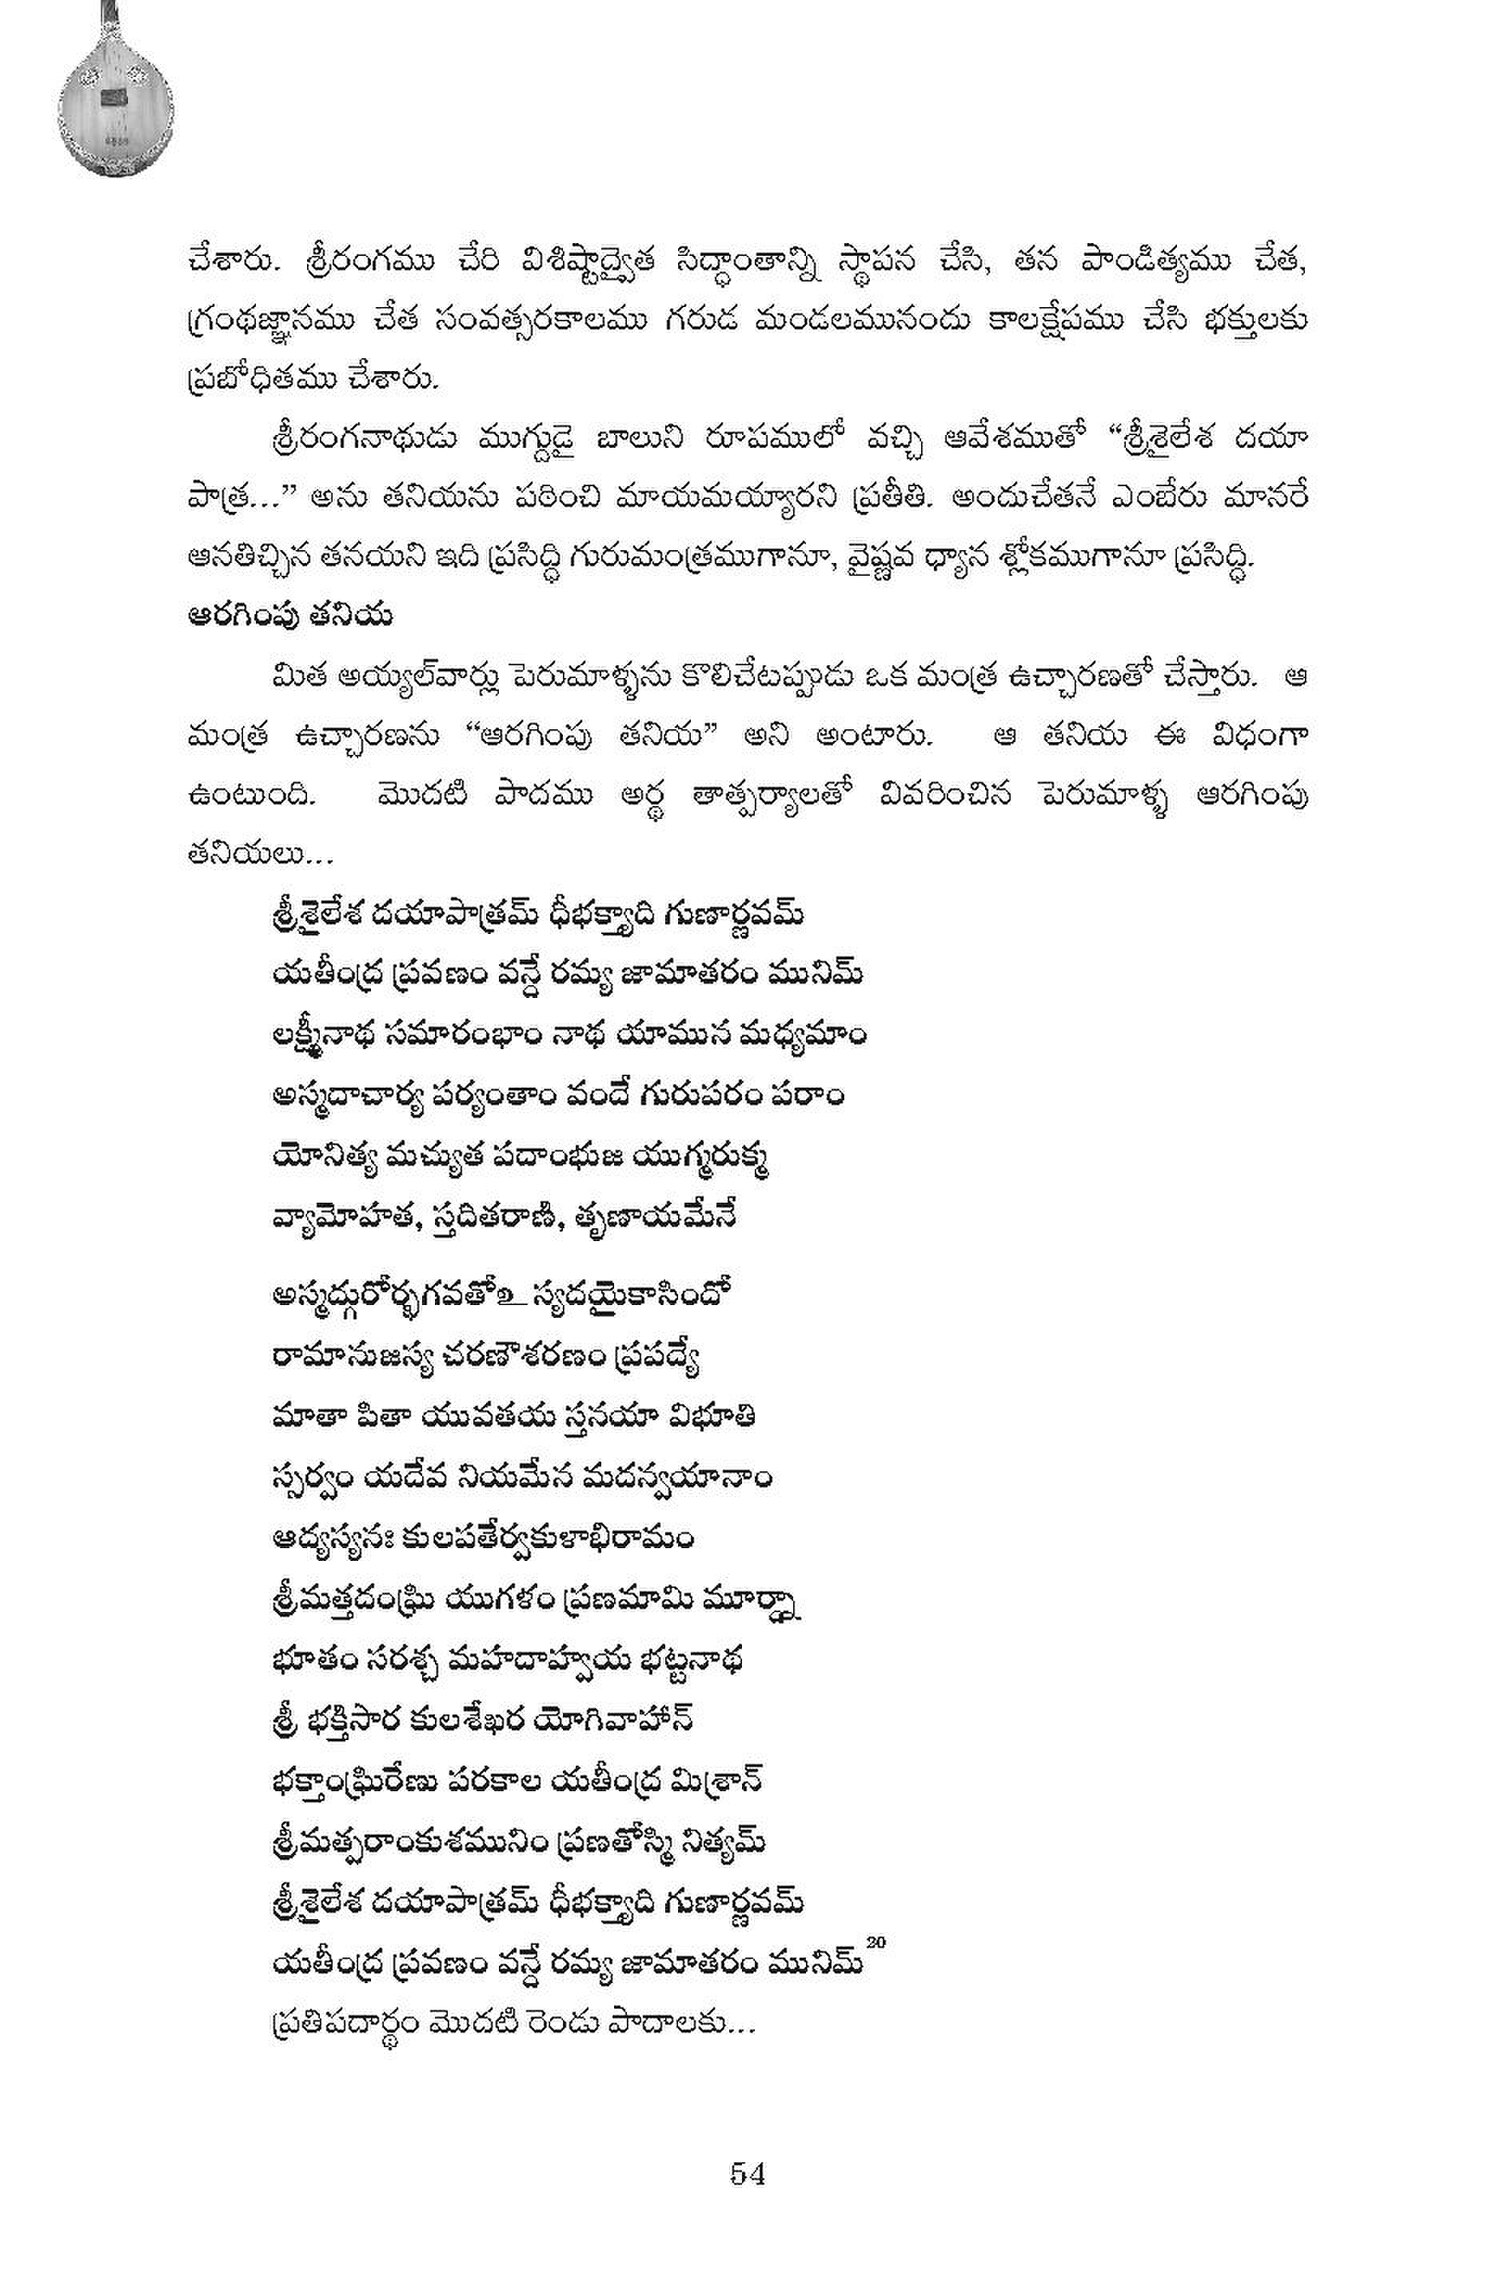చేశారు. శ్రీరంగము చేరి విశిష్టాద్వైత సిద్ధాంతాన్ని స్థాపన చేసి, తన పాండిత్యము చేత, గ్రంథజ్ఞానము చేత సంవత్సర కాలము గరుడ మండలమునందు కాలక్షేపము చేసి భక్తులకు ప్రబోధితము చేశారు.

శ్రీరంగనాథుడు ముగ్దుడై బాలుని రూపములో వచ్చి ఆవేశముతో "శ్రీశైలేశ దయా పాత్ర..." అను తనియను పఠించి మాయమయ్యారని ప్రతీతి. అందుచేతనే ఎంబేరు మానరే ఆనతిచ్చిన తనయని ఇది ప్రసిద్ధి గురుమంత్రముగానూ, వైష్ణవ ధ్యాన శ్లోకముగానూ ప్రసిద్ధి.

ఆరగింపు తనియ 

మిత అయ్యల్వార్లు పెరుమాళ్ళను కొలిచేటప్పుడు ఒక మంత్ర ఉచ్చారణతో చేస్తారు. ఆ మంత్ర ఉచ్చారణను "ఆరగింపు తనియ" అని అంటారు. ఆ తనియ ఈ విధంగా ఉంటుంది. మొదటి పాదము అర్థ తాత్పర్యాలతో వివరించిన పెరుమాళ్ళ ఆరగింపు తనియలు...

శ్రీశైలేశ దయాపాత్రమ్ ధీభక్త్యాది గుణార్ణవమ్
యతీంద్ర ప్రవణం వన్దే రమ్య జామాతరం మునిమ్
లక్ష్మీనాథ సమారంభాం నాథ యామున మధ్యమాం
అస్మదాచార్య పర్యంతాం వందే గురుపరం పరాం
యోనిత్య మచ్యుత పదాంభుజ యుగ్మరుక్మ
వ్యామోహత, స్తదితరాణి, తృణాయమేనే
అస్మద్గురోర్భగవతో సౄదయైకాసిందో
రామానుజస్య చరణాశరణం ప్రపద్యే
మాతా పితా యువతయ స్తనయా విభూతి
స్సర్వం యదేవ నియమేన మదన్వయానాం
ఆద్యస్యనః కులపతేర్వకుళాభిరామం
శ్రీమత్తదంఘ్ర యుగళం ప్రణమామి మూర్జా
భూతం సరశ్చ మహదాహ్వయ భట్టనాథ
శ్రీ భక్తిసార కులశేఖర యోగివాహాన్
భక్తాంఘ్రరేణు పరకాల యతీంద్ర మిశ్రాన్
శ్రీమత్పరాంకుశమునిం ప్రణతోస్మి నిత్యమ్
శ్రీశైలేశ దయాపాత్రమ్ ధీభక్త్యాది గుణార్ణవమ్
యతీంద్ర ప్రవణం వన్దే రమ్య జామాతరం మునిమ్ 20

ప్రతిపదార్థం మొదటి రెండు పాదాలకు...